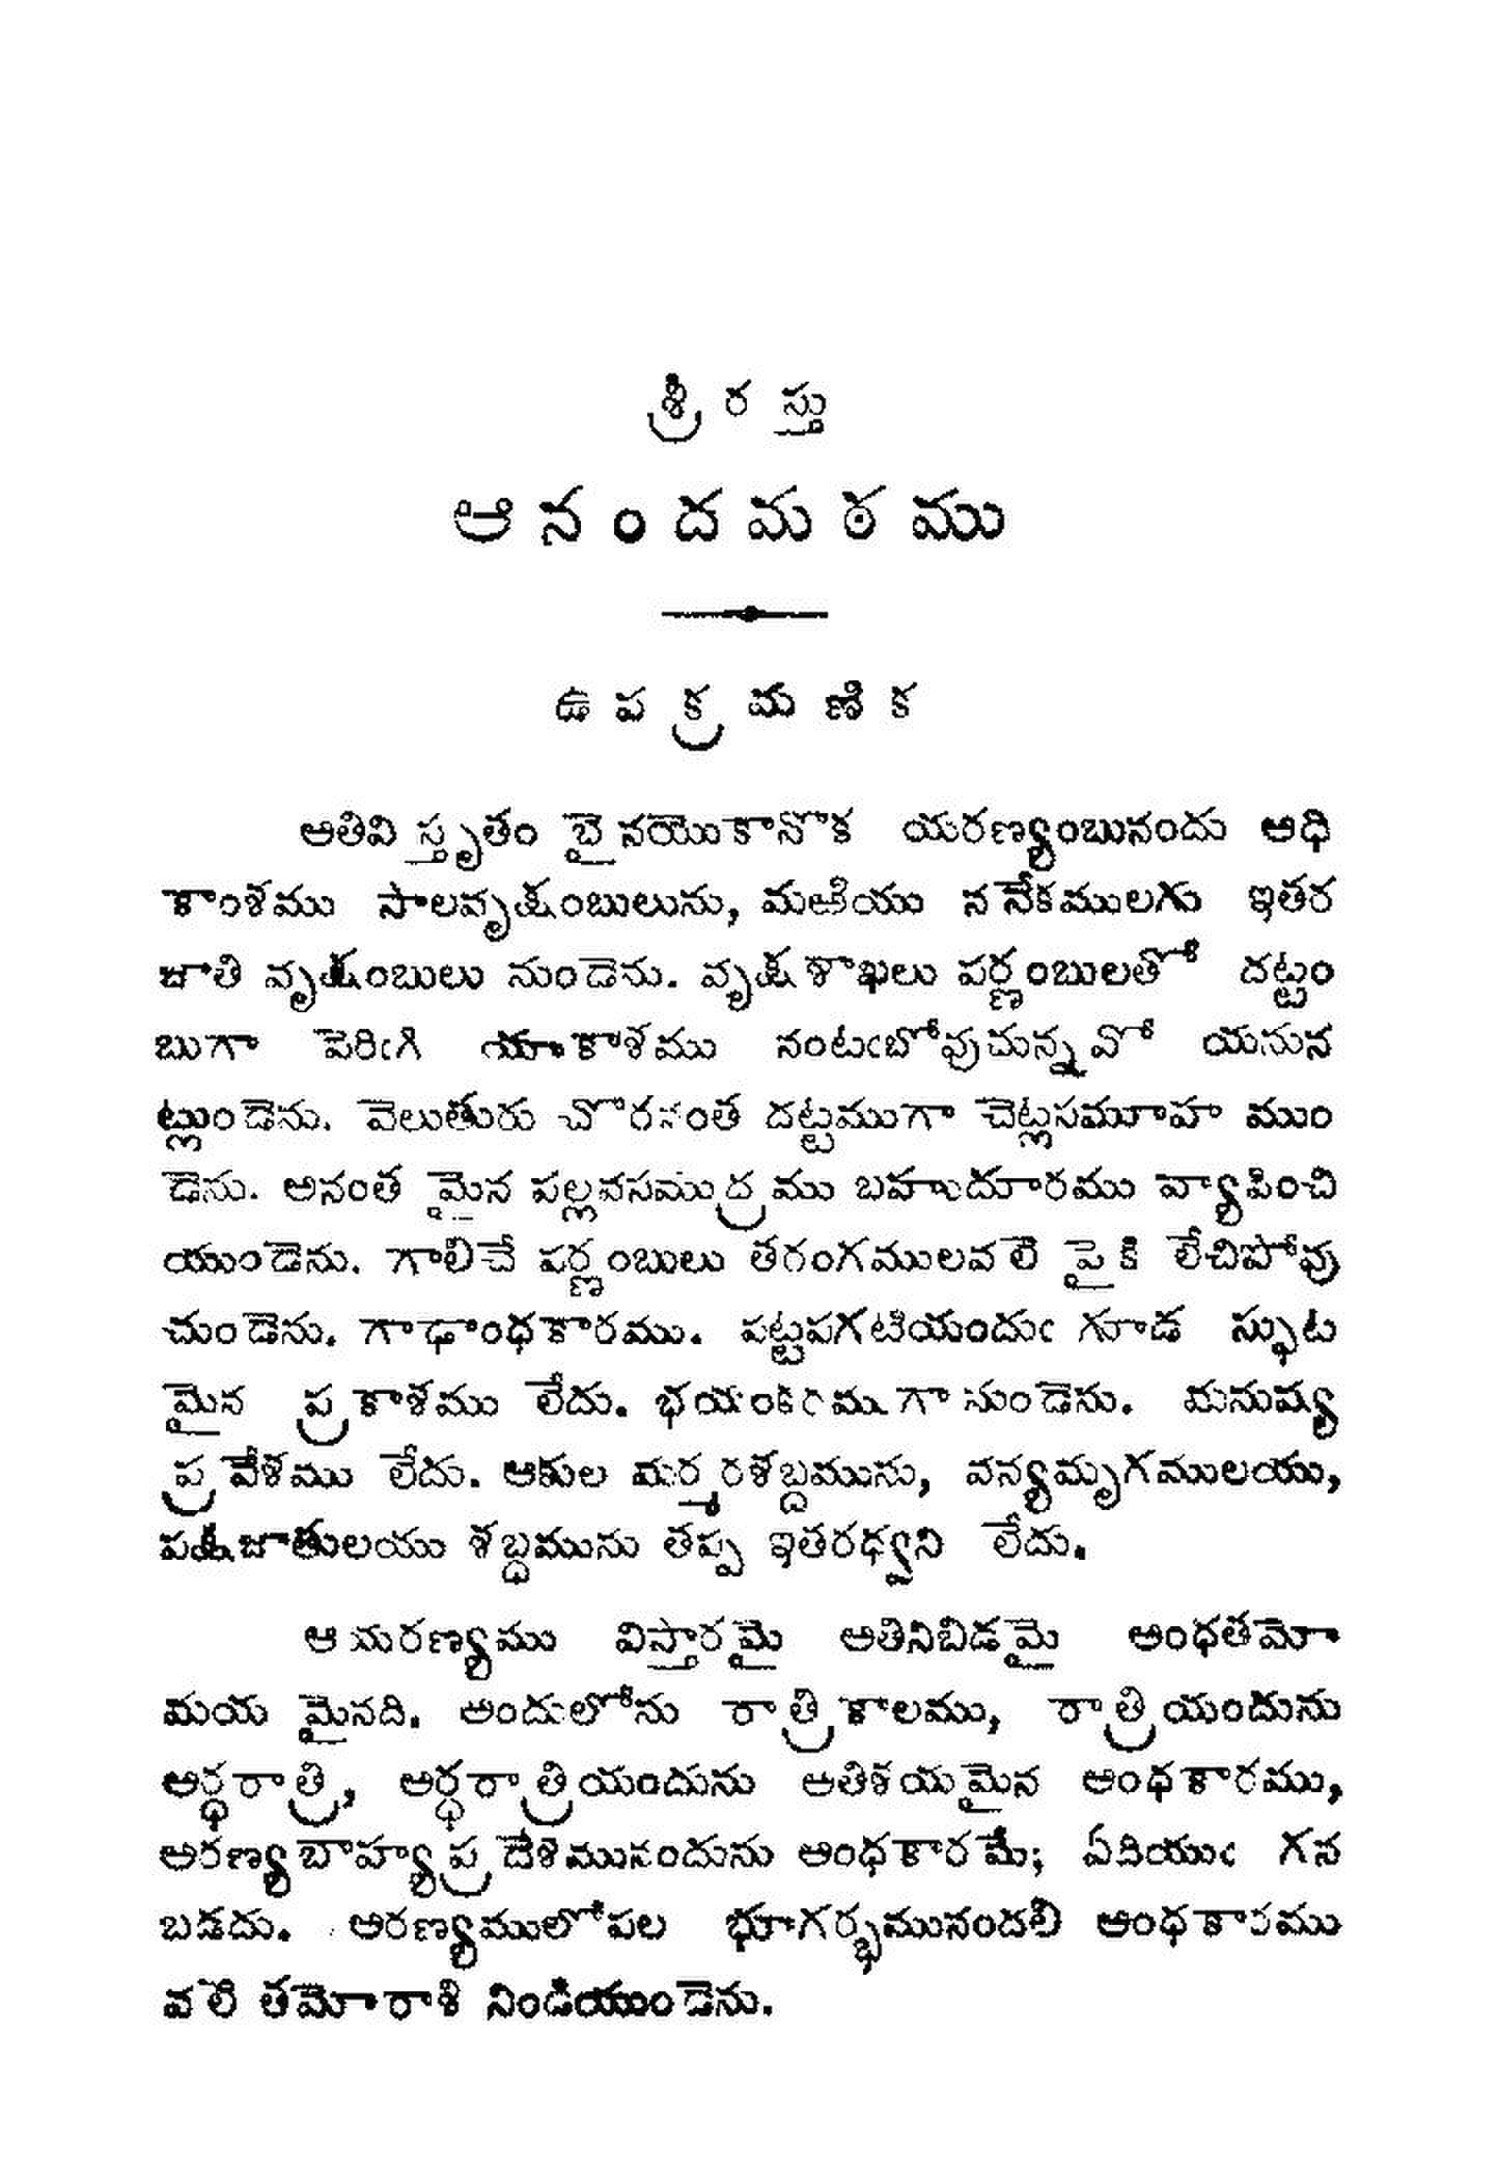శ్రీరస్తు
ఆనందమఠము
ఉపక్రమణిక

అతివిస్తృతం బైనయొకానొక యరణ్యంబునందు అధికాంశము సాలవృక్షంబులును, మఱియు ననేకములగు ఇతరజాతి వృక్షంబులు నుండెను. వృక్షశాఖలు వర్ణంబులతో దట్టంబుగా పెరిఁగి
యాకాశము నంటఁబోవుచున్నవో యనునట్లుండెను. వెలుతురు చొరనంత దట్టముగా చెట్లసమూహ ముండెను. అనంత మైన పల్లవసముద్రము బహుదూరము వ్యాపించి యుండెను. గాలిచే వర్ణంబులు తగంగములవలె పైకి లేచిపోవు చుండెను. గాఢాంధకారము. పట్టపగటియందుఁ గూడ స్ఫుటమైన ప్రకాశము లేదు. భయంకరముగా నుండెను. మనుష్య ప్రవేశము లేదు. ఆకుల మర్మరశబ్దమును, వన్యమృగములయు, పక్షిజాతులయు శబ్ధమును తప్ప ఇతరధ్వని లేదు.

ఆ యరణ్యము విస్తారమై అతినిబిడమై అంధతమోమయ మైనది. అందులోను రాత్రికాలము, రాత్రియందును అర్ధరాత్రి, అర్ధరాత్రియందును అతిశయమైన అంధకారము, అరణ్యబాహ్యప్రదేశము నందును అంధకారమే; ఏదియుఁ గనబడదు. . అరణ్యములోపల భూగర్భమునందలి అంధకారము
వలె తమోరాశి నిండియుండెను.